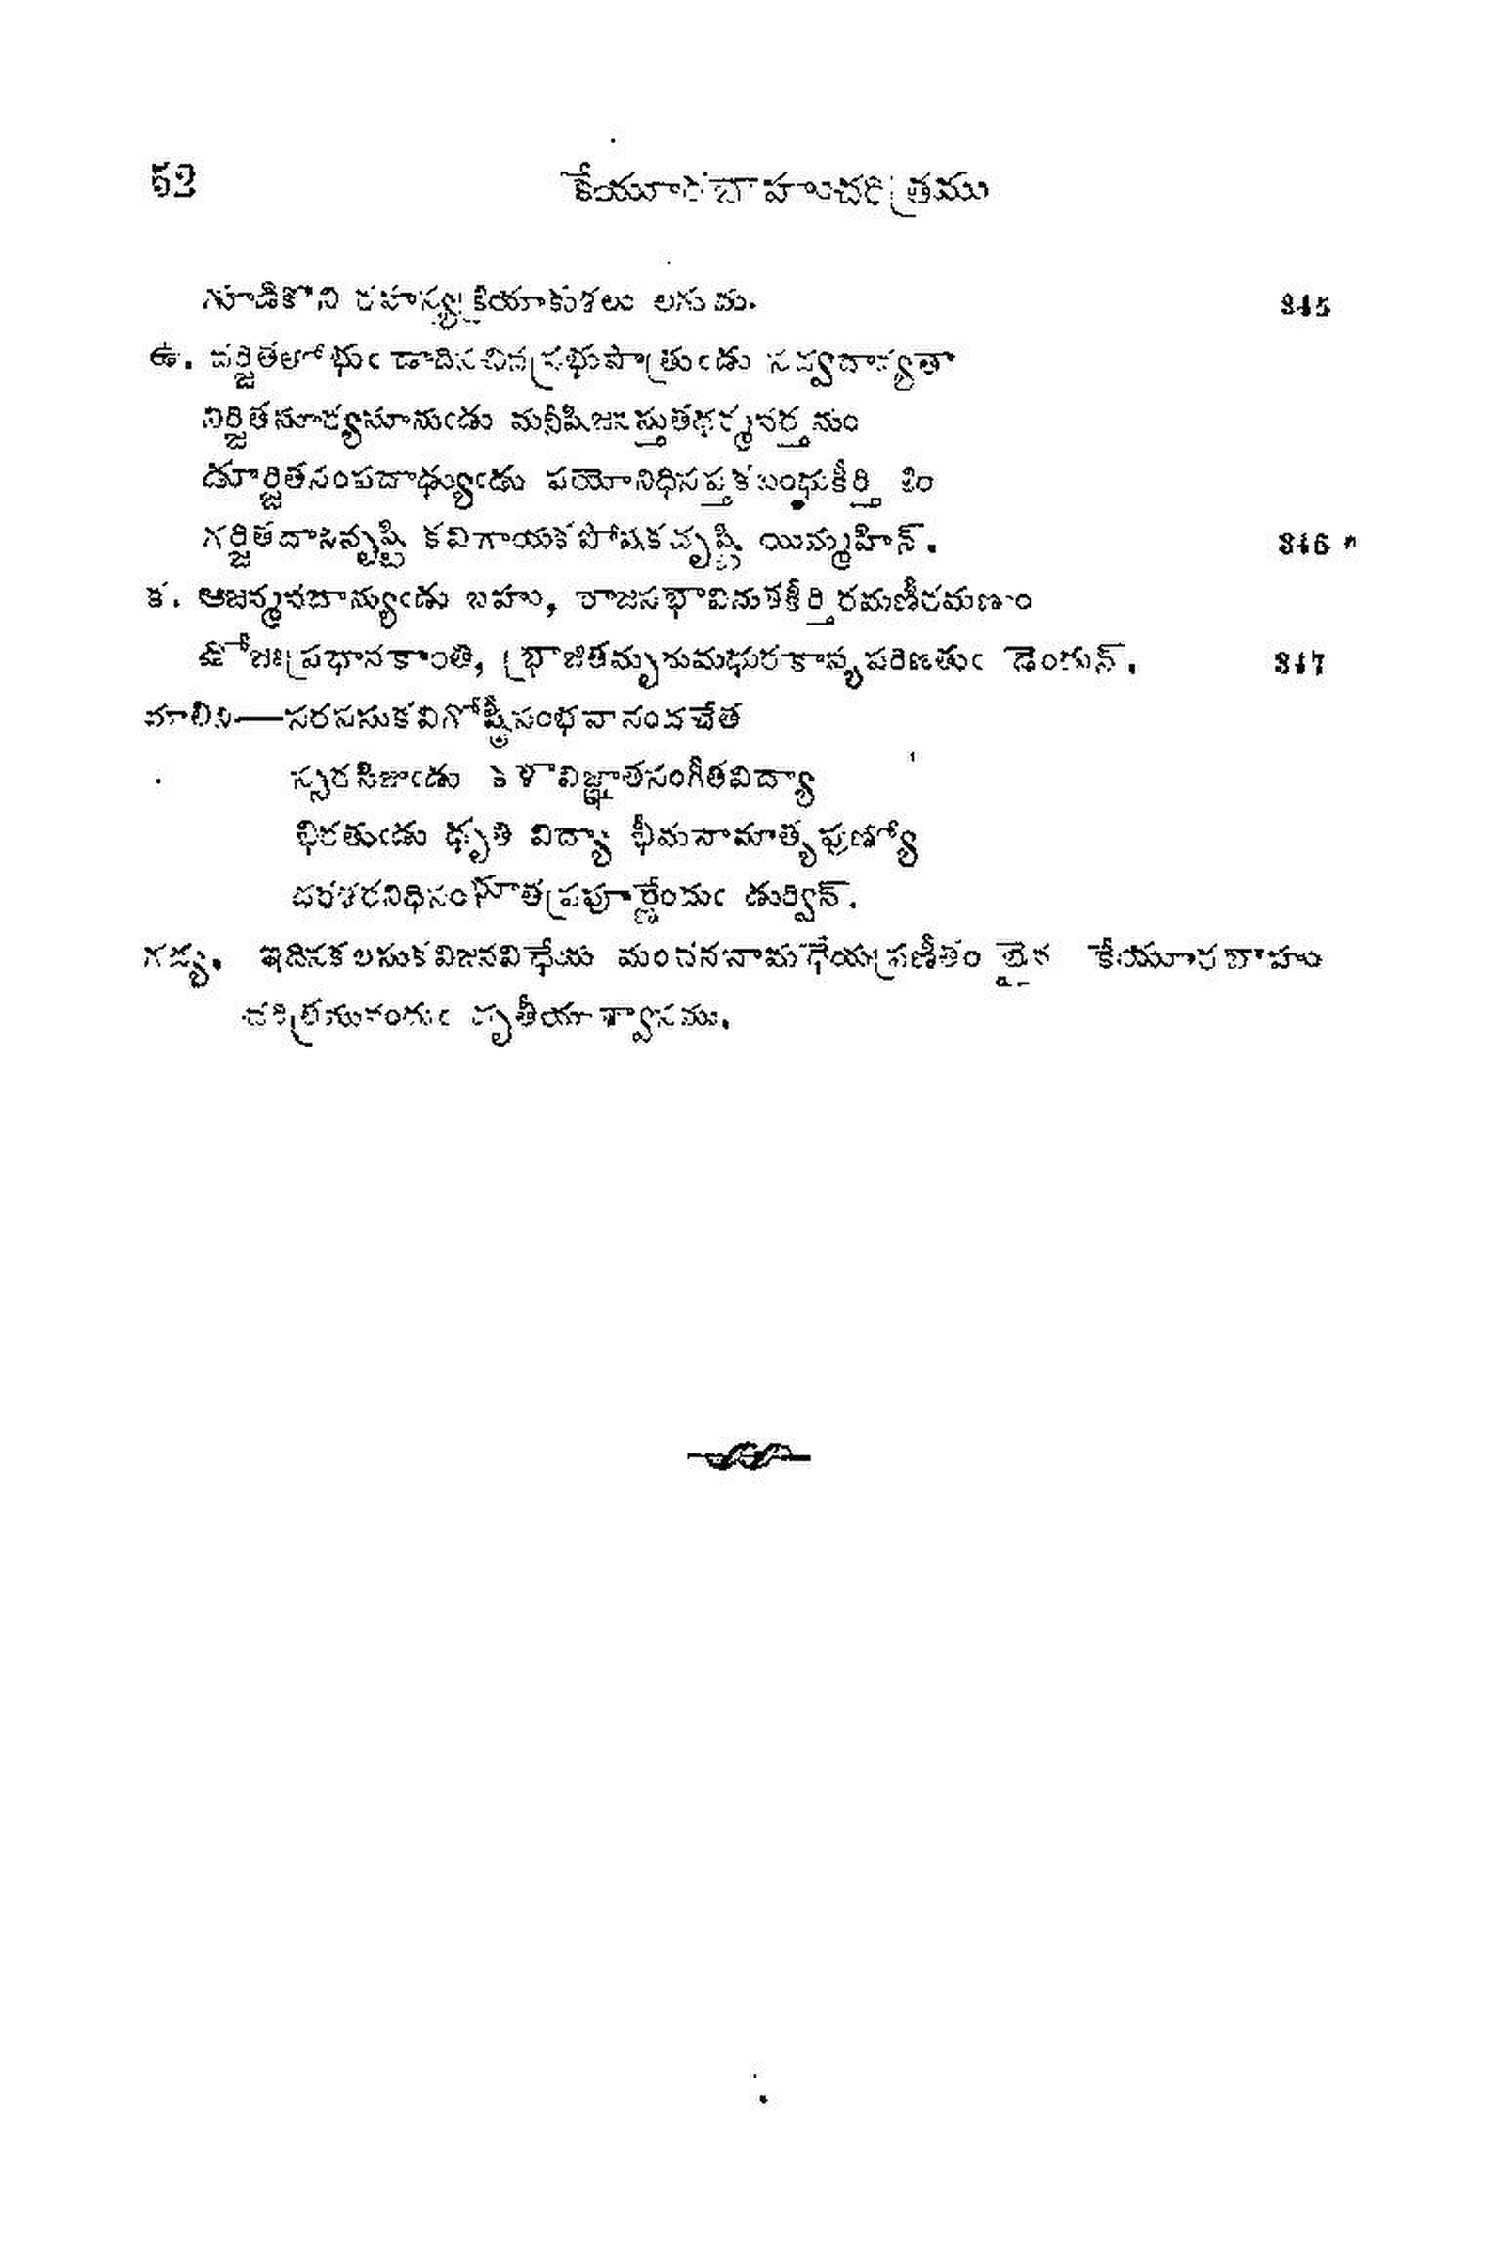కూడికొని రహస్యక్రియాకుశలు లగుచు.
ఉ. వర్జితలోభుఁ డాదిసచివప్రభుపాత్రుఁడు సద్వదాద్యతా
 నిర్జితసూర్యసూనుఁడు మనీషిజనస్తుతధర్మవర్తనుం
 డూర్జితసంపదాఢ్యుఁడు పయోనిధిసప్తకబంధుకీర్తి కిం
 గర్జితదానివృష్టి కవిగాయకపోషకదృష్టి యిమ్మహిన్.
క. ఆజన్మవదాన్యుఁడు బహు, రాజసభావినుతకీర్తిరమణీరమణుం
 డోజఁప్రధానకాంతి, భ్రాజితమృదుమధురకావ్యపరిణతుఁ డెందున్.
మాలిని. సరససుకవిగోష్టీసంభవానందచేత
 స్సరసిజుఁడు కళావిజ్ఞాతసంగీతవిద్యా
 భిరతుఁడు ధృతి విద్యా భీమనామాత్యపుణ్యో
 దరశరనిధిసంభూతప్రపూర్ణేందుఁ డుర్విన్.
గద్య. ఇదిసకలసుకవిజనవిధేయ మంచననామధేయప్రణీతం బైన కేయూరబాహు
 చరిత్రమునందుఁ దృతీయాశ్వాసము.